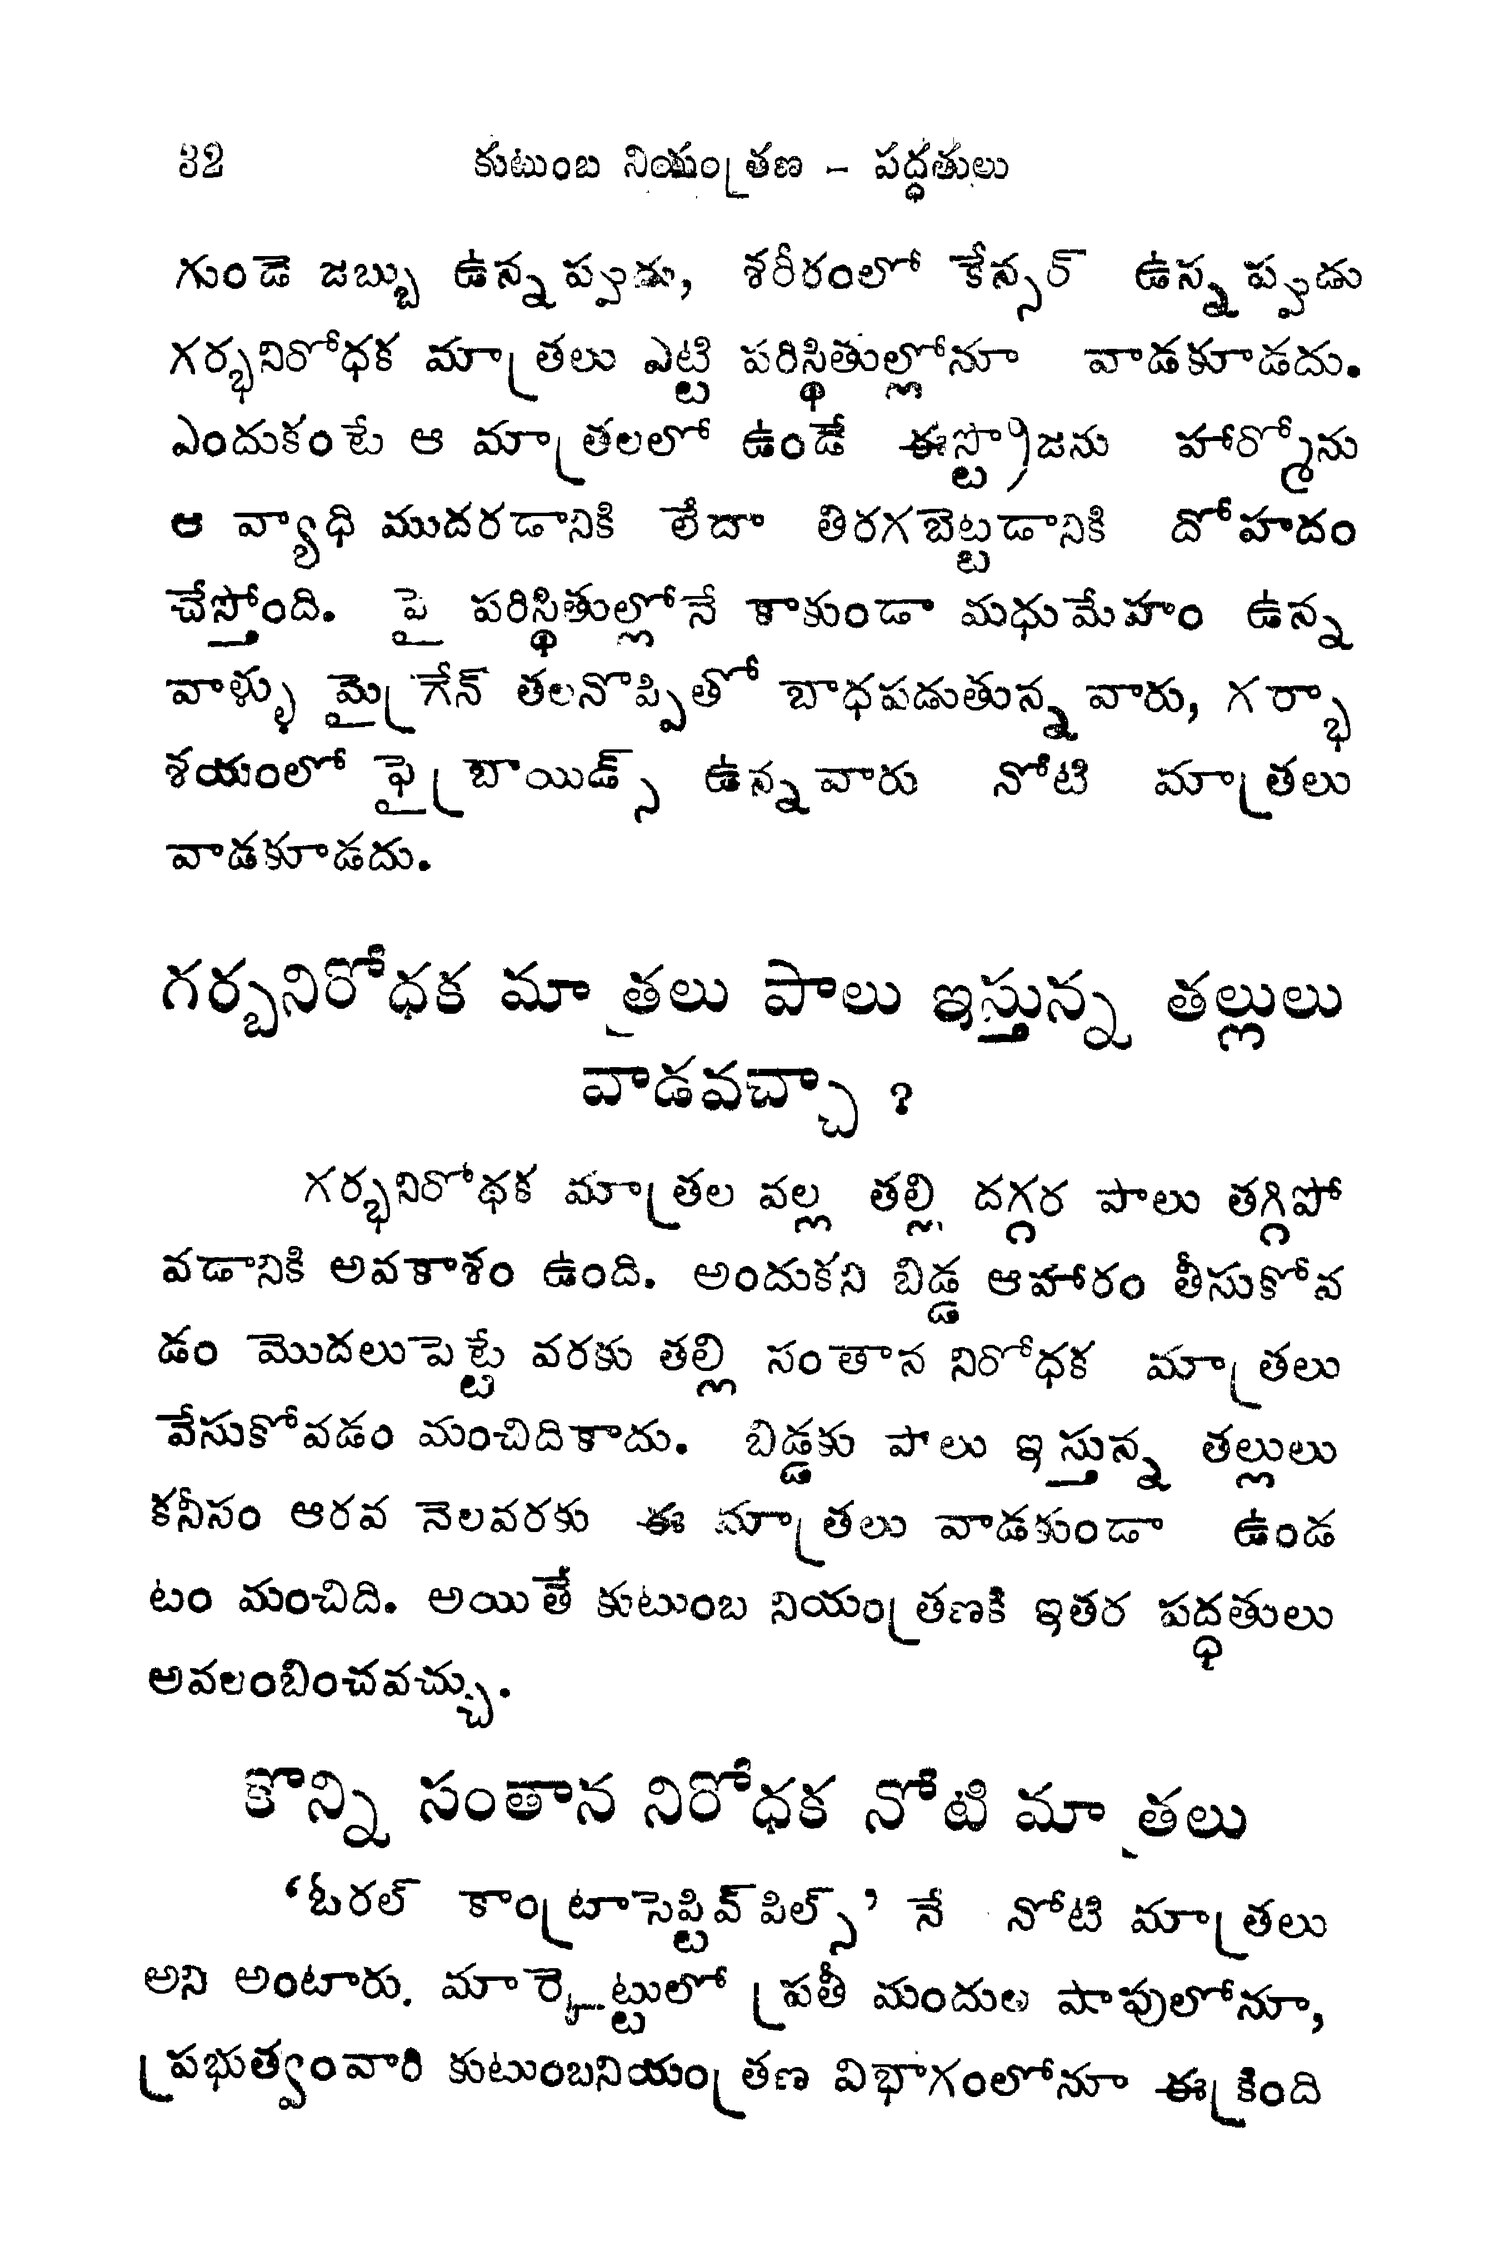గుండె జబ్బు ఉన్నప్పుడు, శరీరంలొ కేన్సర్ ఉన్నప్పుడు గర్భనిరొధక మాత్రలు ఎట్టి పరిస్థితుల్లోనూ వాడకూడదు. ఎందుకంటే ఆ మాత్రలలో ఉండే ఈస్ట్రొజను హర్మోను ఆ వ్యాధి ముదరడానికి లేదా తిరగబెట్టడానికి దోహదం చేస్తొంది. పై పరిస్థితుల్లోనే కాకుండా మధుమేహం ఉన్న వాళ్ళు మైగ్రేన్ తలనొప్పితో బాధపడుతున్నవారు, గర్భాశయంలో ఫైబ్ర్రాయిడ్స్ ఉన్నవారు నోటి మాత్రలు వాడకూడదు.

గర్భనిరోధక మాత్రల వల్ల తల్లి దగ్గర పాలు తగ్గిపోవడానికి అవకాశం ఉంది. అందుకని బిడ్ద ఆహారం తీసుకోవడం మొదలుపెట్టే వరకు తల్లి సంతాన నిరోధక మాత్రలు వేసుకోవడం మంచిదికాదు. బిడ్డకు పాలు ఇస్తున్న తల్లులు కనీసం ఆరవ నెలవరకు ఈ మాత్రలు వాడకుండా ఉండటం మంచిది. అయితే కుటుంబ నియంత్రణకి ఇతర పద్ధతులు అవలంబించవచ్చు.

'ఓరల్ కాంట్రాసెప్టివ్ పిల్స్ ' నే నోటి మాత్రలు అని అంటారు. మర్కెట్టులో ప్రతీ మందుల షాపులోనూ, ప్రభుత్ఫంవారి కుటుంబనియంత్రణ విభాగంలోనూ ఈ క్రింది